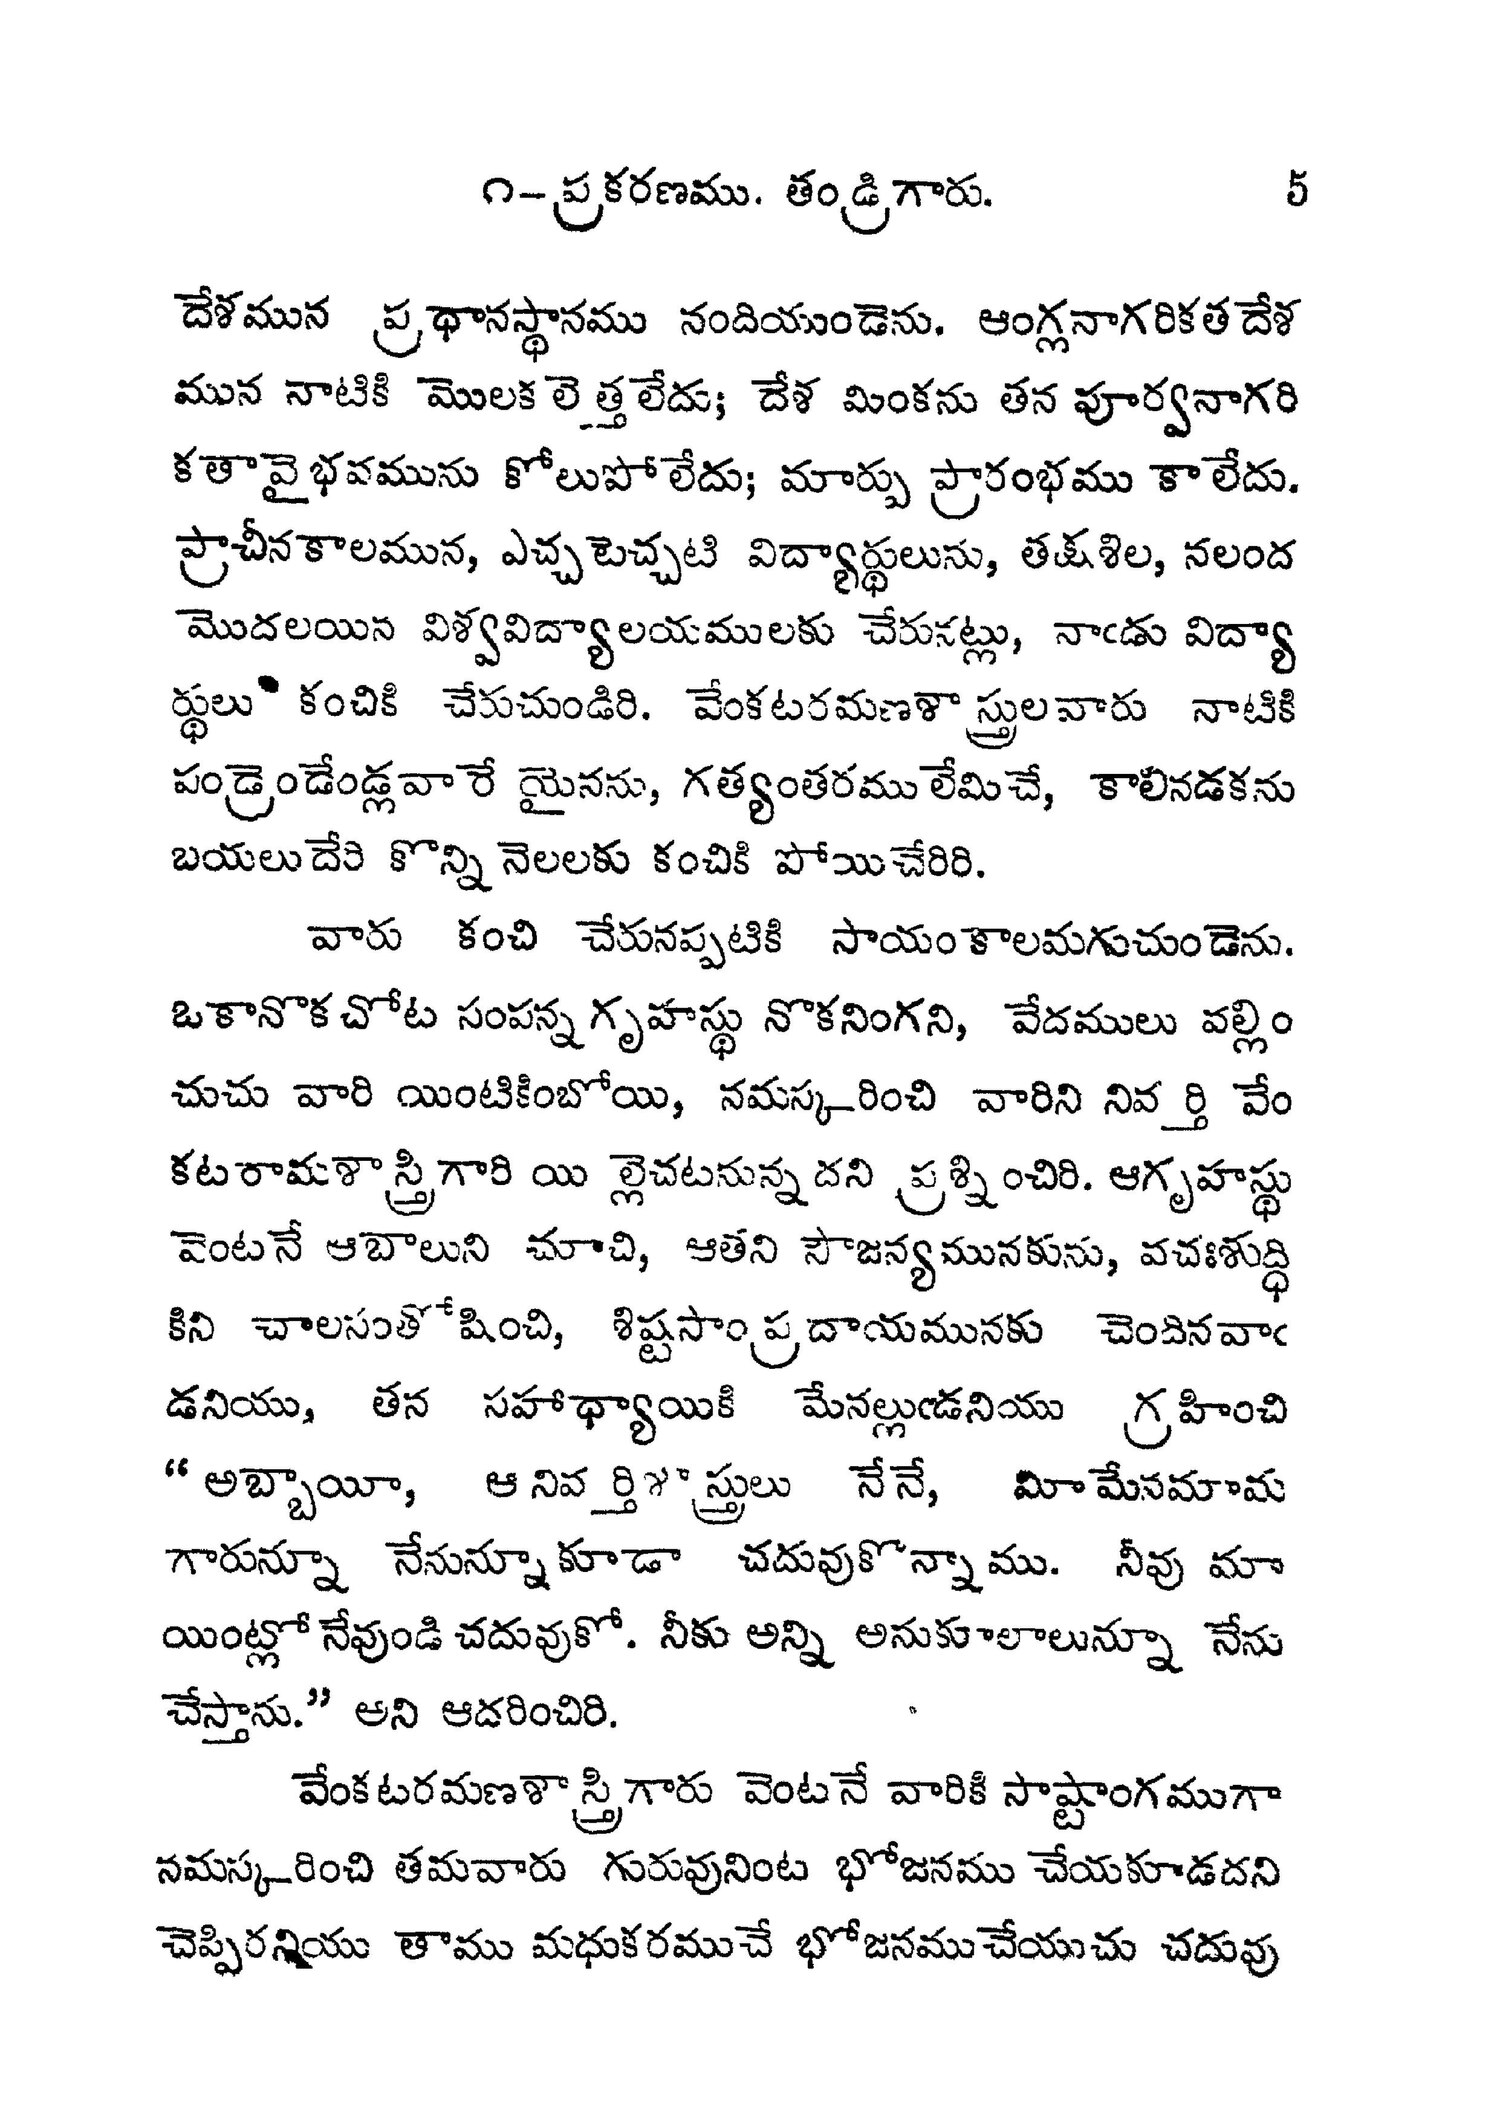దేశమున ప్రథానస్థానము నందియుండెను. ఆంగ్లనాగరికతదేశమున నాటికి మొలకలెత్తలేదు; దేశ మింకను తన పూర్వనాగరికతావైభవమును కోలుపోలేదు; మార్పు ప్రారంభము కాలేదు. ప్రాచీనకాలమున, ఎచ్చటెచ్చటి విద్యార్థులును, తక్షశిల, నలంద మొదలయిన విశ్వవిద్యాలయములకు చేరునట్లు, నాడు విద్యార్థులు కంచికి చేరుచుండిరి. వేంకటరమణశాస్త్రులవారు నాటికి పండ్రెండేండ్లవారే యైనను, గత్యంతరములేమిచే, కాలినడకను బయలుదేరి కొన్నినెలలకు కంచికి పోయిచేరిరి.

వారు కంచి చేరునప్పటికి సాయంకాలమగుచుండెను. ఒకానొకచోట సంపన్నగృహస్థు నొకనింగని, వేదములు వల్లించుచు వారి యింటికింబోయి, నమస్కరించి వారిని నివర్తి వేంకటరామశాస్త్రిగారి యి ల్లెచటనున్నదని ప్రశ్నించిరి. ఆగృహస్థు వెంటనే ఆబాలుని చూచి, ఆతని సౌజన్యమునకును, వచ:శుద్ధికిని చాలసంతోషించి, శిష్టసాంప్రదాయమునకు చెందినవాడనియు, తన సహాధ్యాయికి మేనల్లుడనియు గ్రహించి "అబ్బాయీ, అనివర్తిసాస్త్రులు నేనే, మీమేనమామ గారున్నూ నేనున్నూకూడా చదువుకొన్నాము. నీవు మా యింట్లోనేవుండి చదువుకో. నీకు అన్ని అనుకూలాలున్నూ నేను చేస్తాను." అని ఆదరించిరి.

వేంకటరమణశాస్త్రిగారు వెంటనే వారికి సాష్టాంగముగా నమస్కరించి తమవారు గురువునింట భోజనము చేయకూడదని చెప్పిరనియు తాము మధుకరముచే భోజనముచేయుచు చదువు